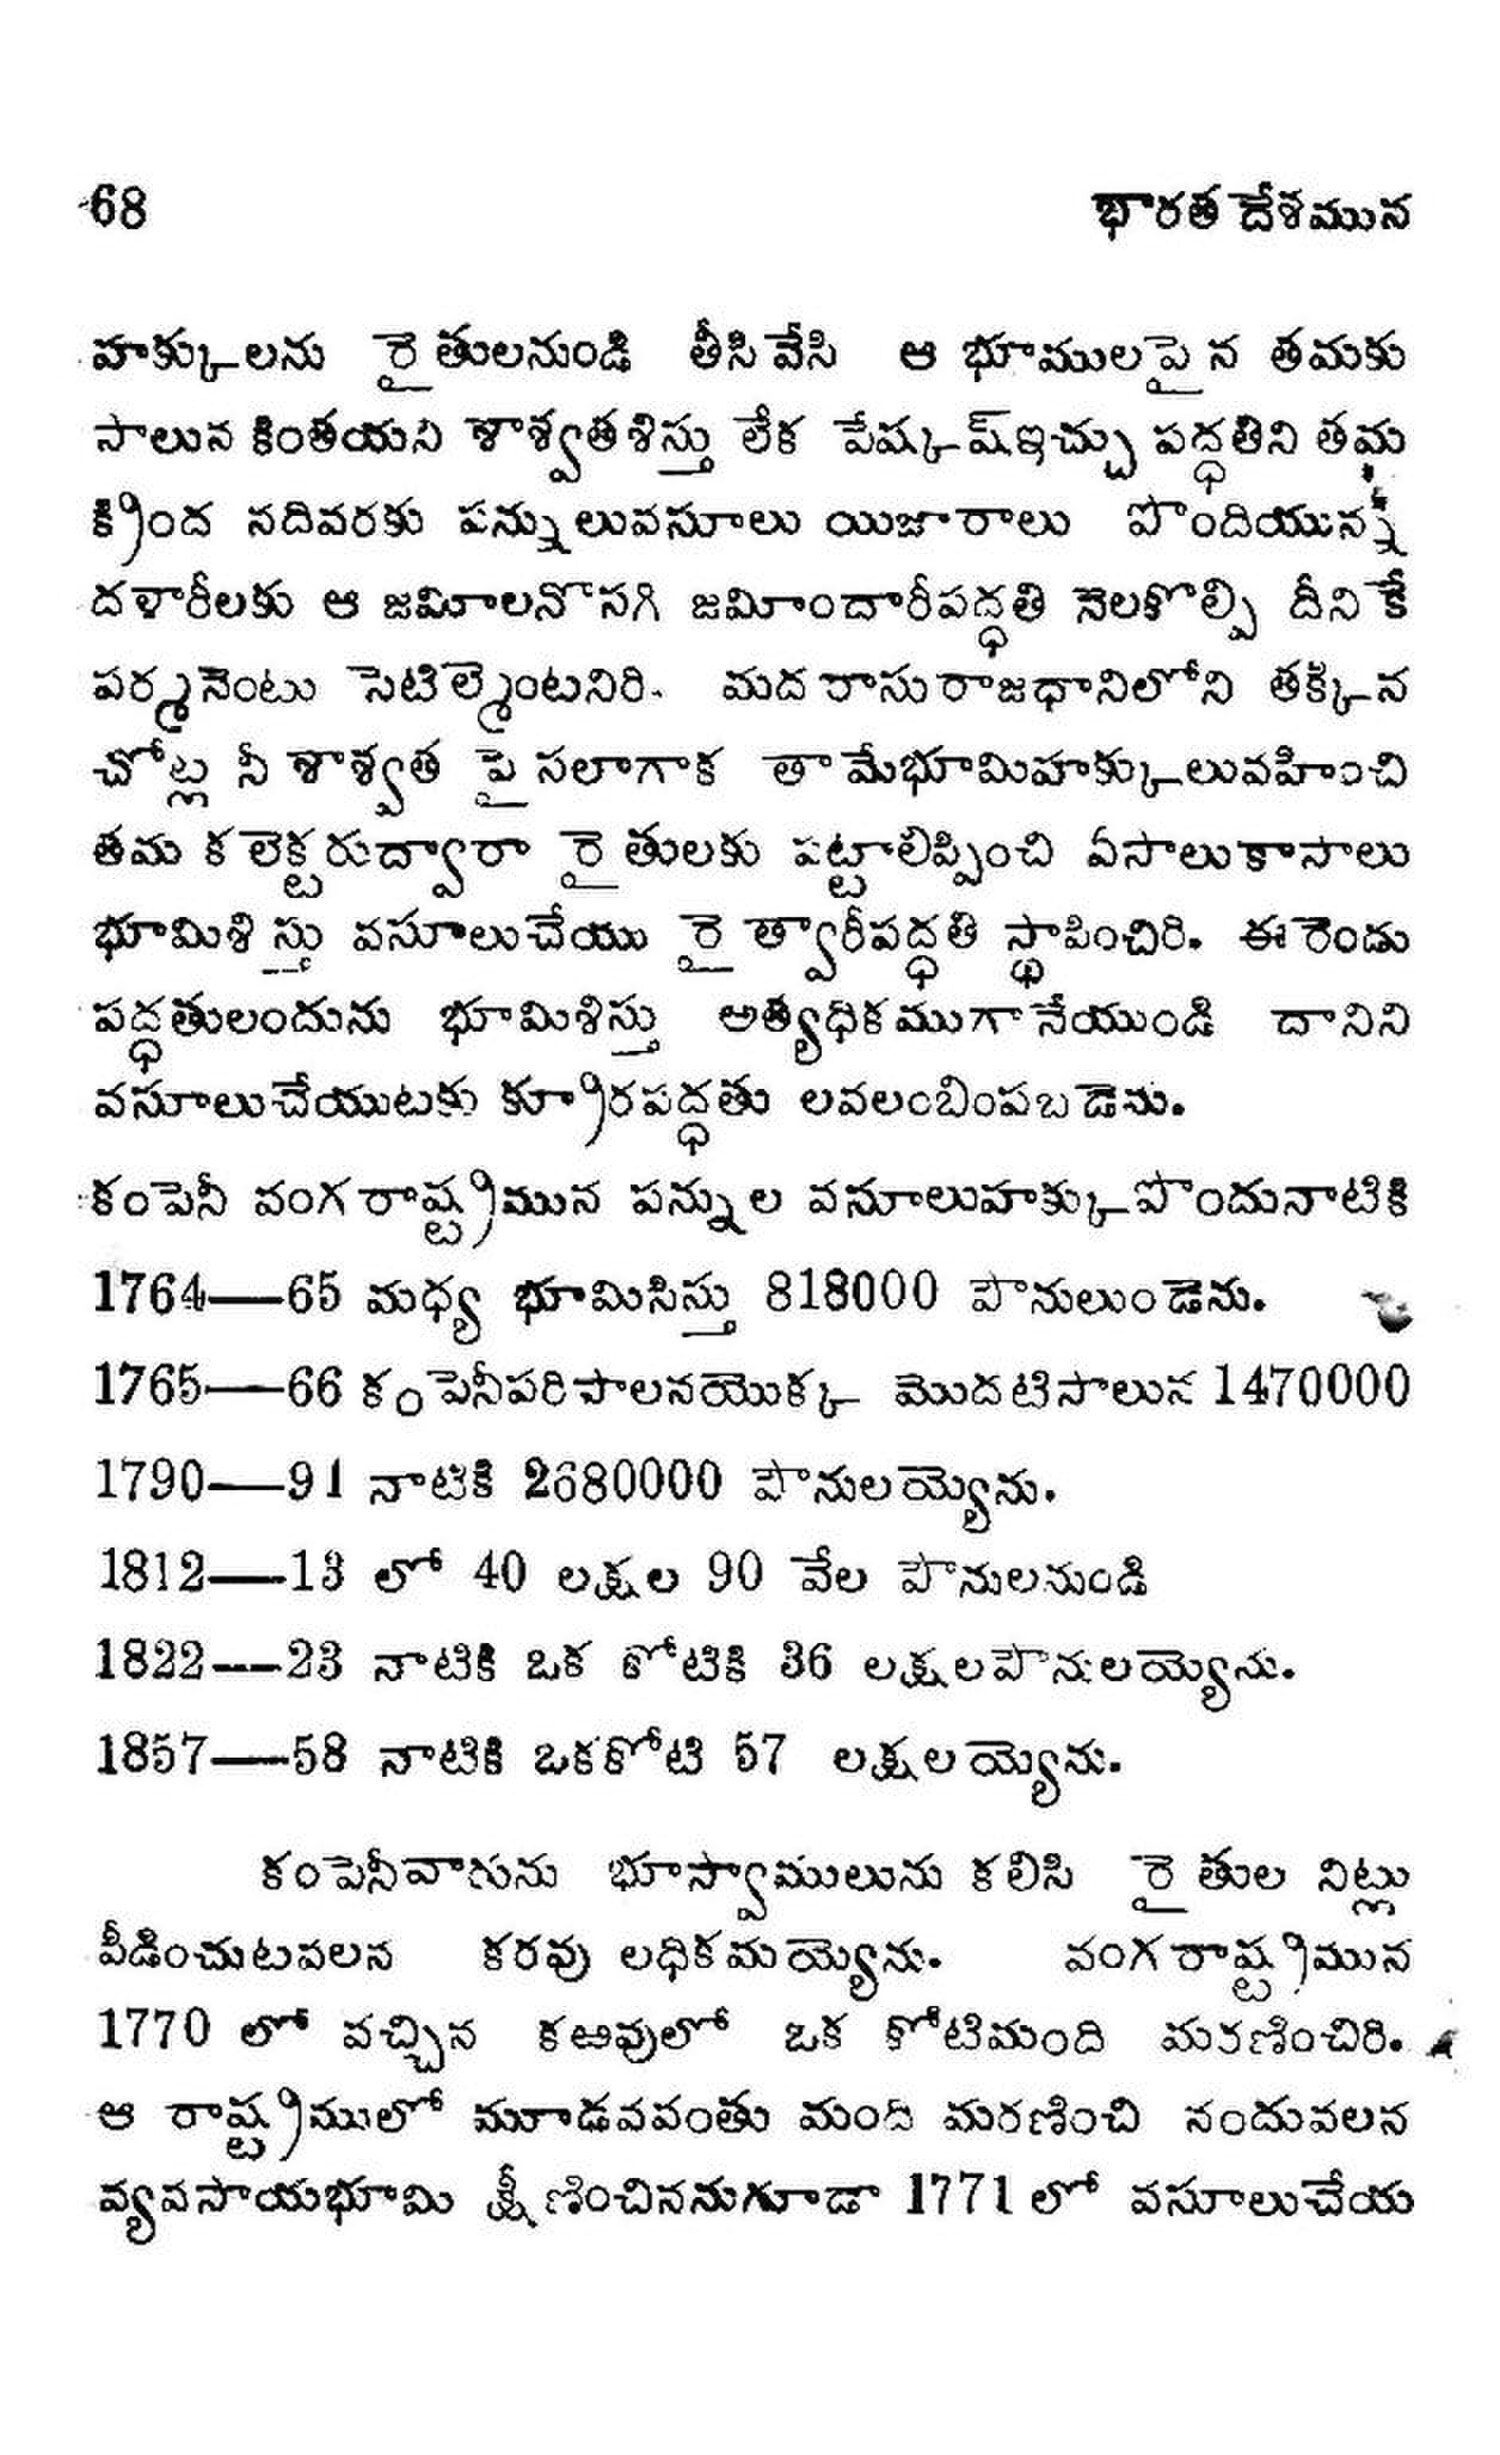హక్కులను రైతులనుండి తీసివేసి ఆ భూములపైన తమకు సాలున కింతయని శాశ్వతశిస్తు లేక పేష్కష్ ఇచ్చు పద్దతిని తమ క్రింద నదివరకు పన్నులువసూలు యిజారాలు పొందియున్న దళారీలకు ఆ జమీలనొసగి జమీందారీపద్దతి నెలకొల్పి దీనికే పర్మనెంటు సెటిల్మెంటనిరి. మదరాసురాజధానిలోని తక్కినచోట్ల నీ శాశ్వత పైసలాగాక తామేభూమిహక్కులువహించి తమ కలెక్టరుద్వారా రైతులకు పట్టాలిప్పించి ఏసాలుకాసాలు భూమిశిస్తు వసూలుచేయు రైత్వారీపద్దతి స్థాపించిరి. ఈ రెండు పద్దతులందును భూమిశిస్తు అత్యధికముగానేయుండి దానిని వసూలుచేయుటకు క్రూరపద్దతు లవలంబింపబడెను. 

కంపెనీ వంగరాష్ట్రమున పన్నుల వసూలుహక్కు పొందునాటికి 

1764–65 మధ్య భూమిసిస్తు 818000 పౌనులుండెను. 

1765-66 కంపెనీపరిపాలనయొక్క మొదటిసాలున 1470000 

1790–91 నాటికి 2680000 పౌనులయ్యెను. 

1812-13 లో 40 లక్షల 90 వేల పౌనులనుండి 

1822 - 23 నాటికి ఒక కోటికి 36 లక్షల పౌనులయ్యెను. 

1857-58 నాటికి ఒకకోటి 57 లక్షలయ్యెను.

కంపెనీవారును భూస్వాములును కలిసి రైతుల నిట్లు పీడించుటవలన కరవు లధికమయ్యెను. వంగరాష్ట్రమున 1770 లో వచ్చిన కఱవులో ఒక కోటిమంది మరణించిరి. ఆ రాష్ట్రములో మూడవవంతు మంది మరణించి నందువలన వ్యవసాయభూమి క్షీణించిననుగూడా 1771 లో వసూలుచేయ